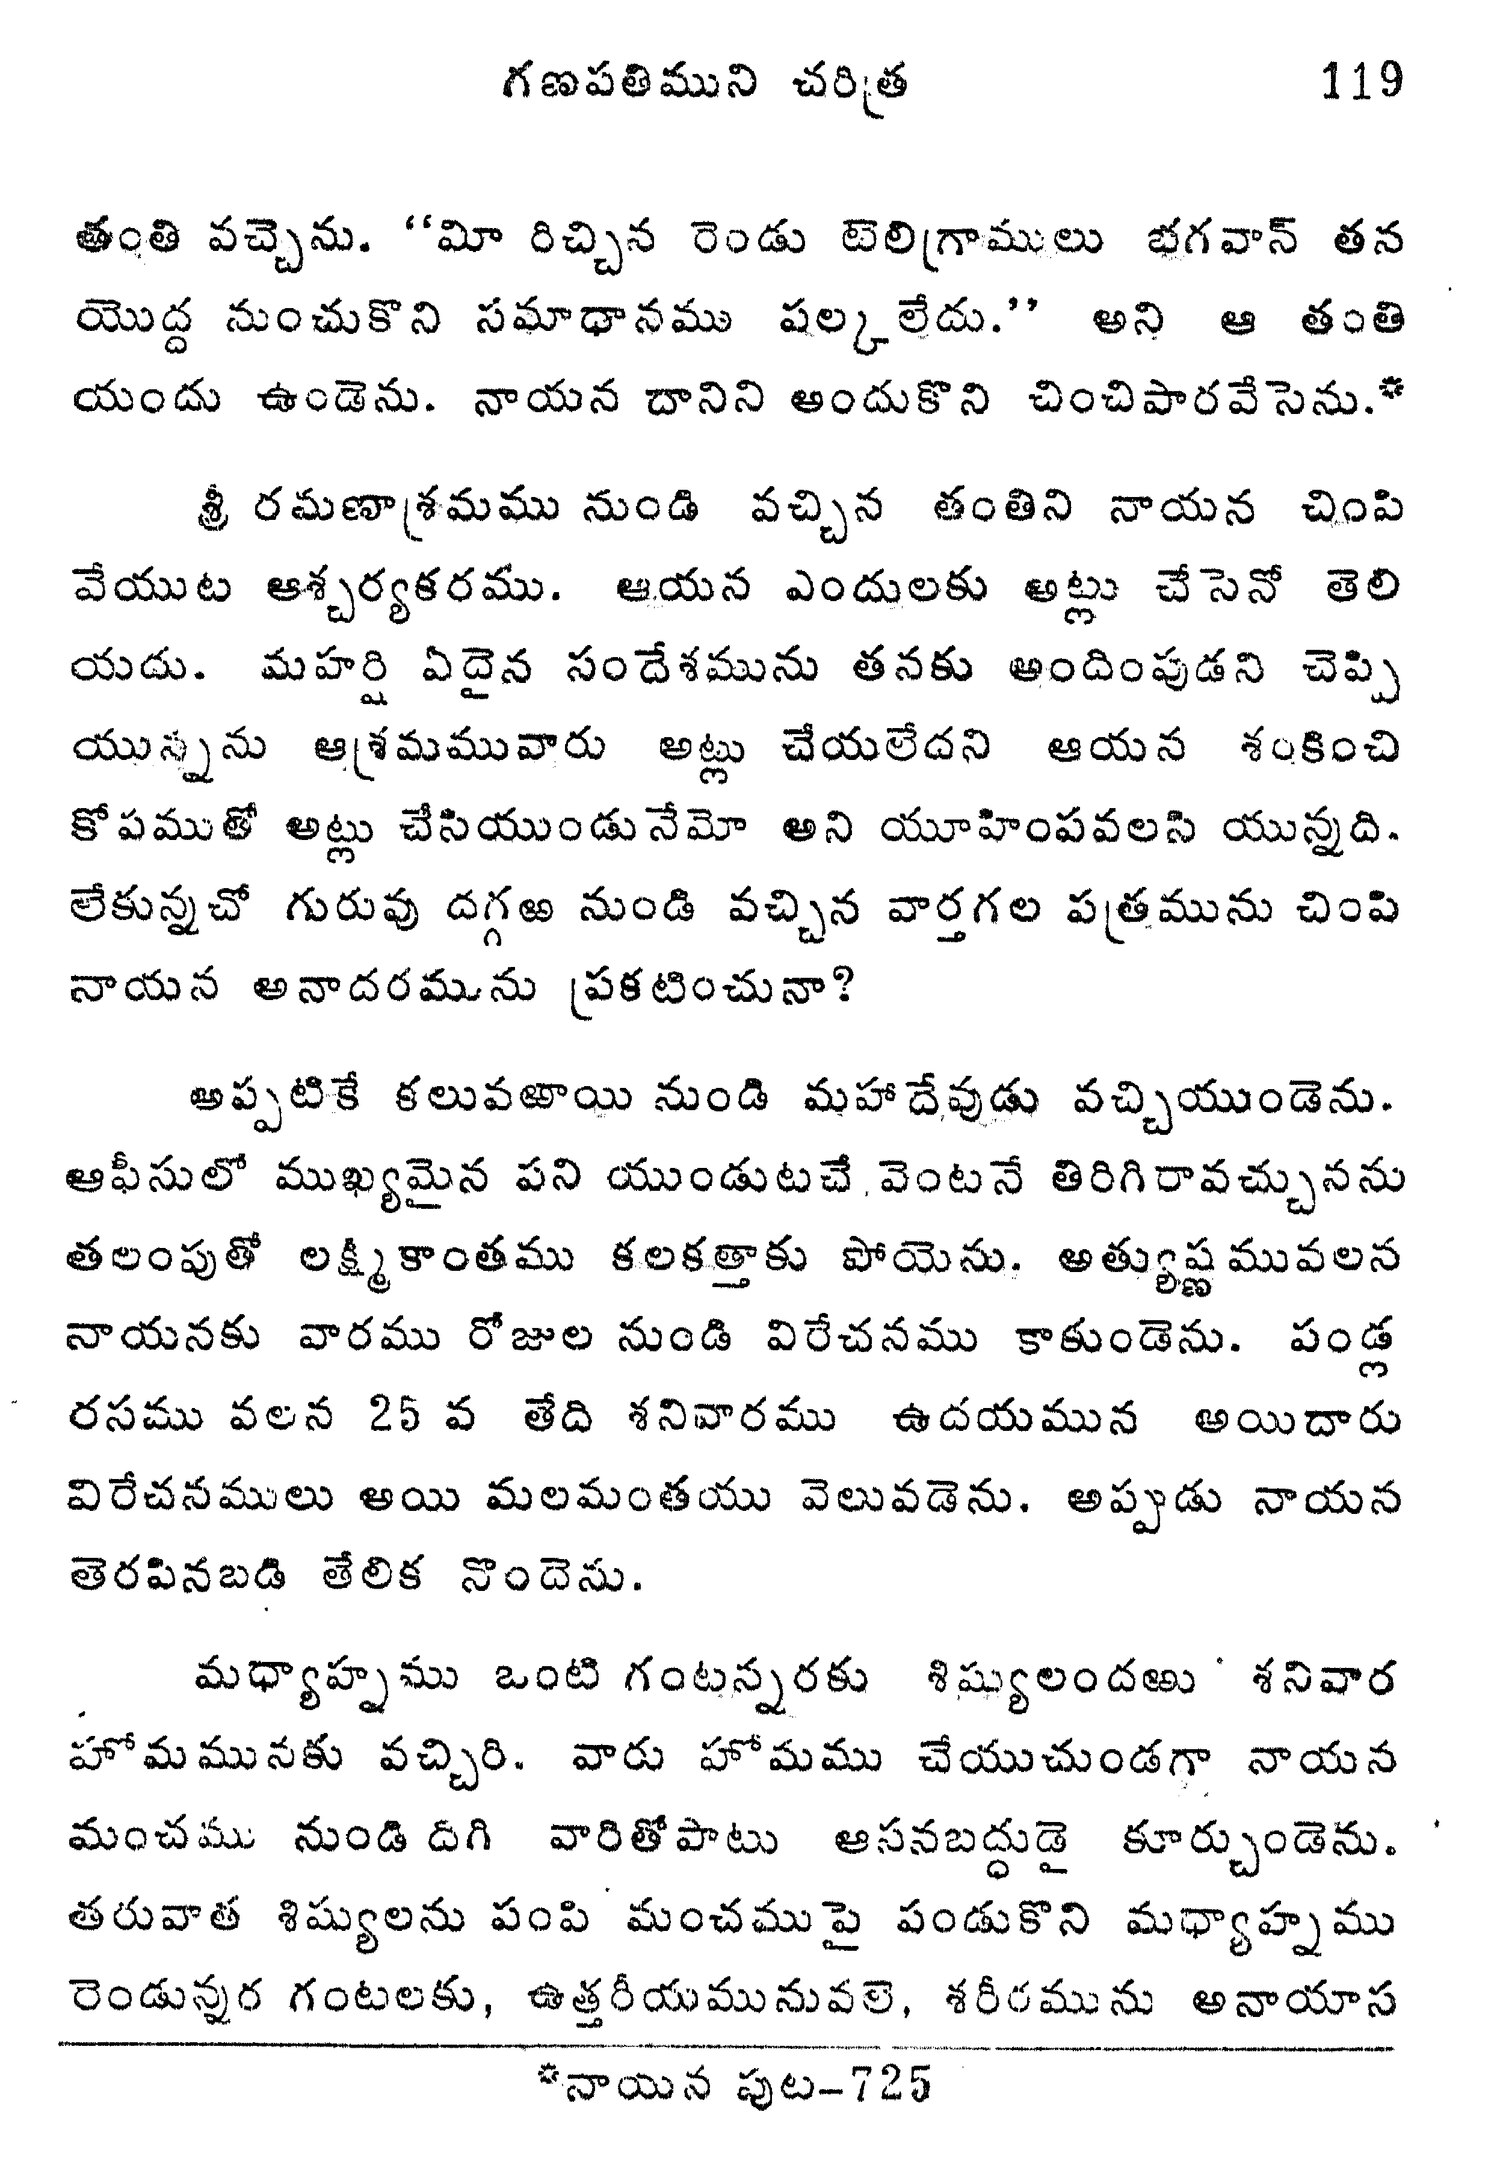తంతి వచ్చెను. " మీ రిచ్చిన రెండు టెలిగ్రాములు భగవాన్ తనయొద్ద నుంచుకొని సమాధానము పల్కలేదు." అని ఆ తంతి యందు ఉండెను. నాయన దానిని అందుకొని చించిపారవేసెను.*

శ్రీ రమణాశ్రమము నుండి వచ్చిన తంతిని నాయన చింపి వేయుట ఆశ్చర్యకరము. ఆయన ఎందులకు అట్లు చేసెనో తెలియదు. మహర్షి ఏదైన సందేశమును తనకు అందింపుడని చెప్పి యున్నను ఆశ్రమమువారు అట్లు చేయలేదని ఆయన శంకించి కోపముతో అట్లు చేసియుండునేమో అని యూహింపవలసి యున్నది. లేకున్నచో గురువు దగ్గఱ నుండి వచ్చిన వార్తగల పత్రమును చింపి నాయన అనాదరమును ప్రకటించునా?

అప్పటికే కలువఱాయి నుండి మహాదేవుడు వచ్చియుండెను. ఆఫీసులో ముఖ్యమైన పని యుండుటచే వెంటనే తిరిగిరావచ్చునను తలంపుతో లక్ష్మికాంతము కలకత్తాకు పోయెను. అత్యుష్ణమువలన నాయనకు వారము రోజుల నుండి విరేచనము కాకుండెను. పండ్ల రసము వలన 25 వ తేది శనివారము ఉదయమున అయిదారు విరేచనములు అయి మలమంతయు వెలువడెను. అప్పుడు నాయన తెరపినబడి తేలిక నొందెను.

మధ్యాహ్నము ఒంటి గంటన్నరకు శిష్యులందఱు శనివార హోమమునకు వచ్చిరి. వారు హోమము చేయుచుండగా నాయన మంచము నుండి దిగి వారితోపాటు ఆసనబద్దుడై కూర్చుండెను. తరువాత శిష్యులను పంపి మంచముపై పండుకొని మధ్యాహ్నము రెండున్నర గంటలకు, ఉత్తరీయమునువలె, శరీరమును అనాయాస